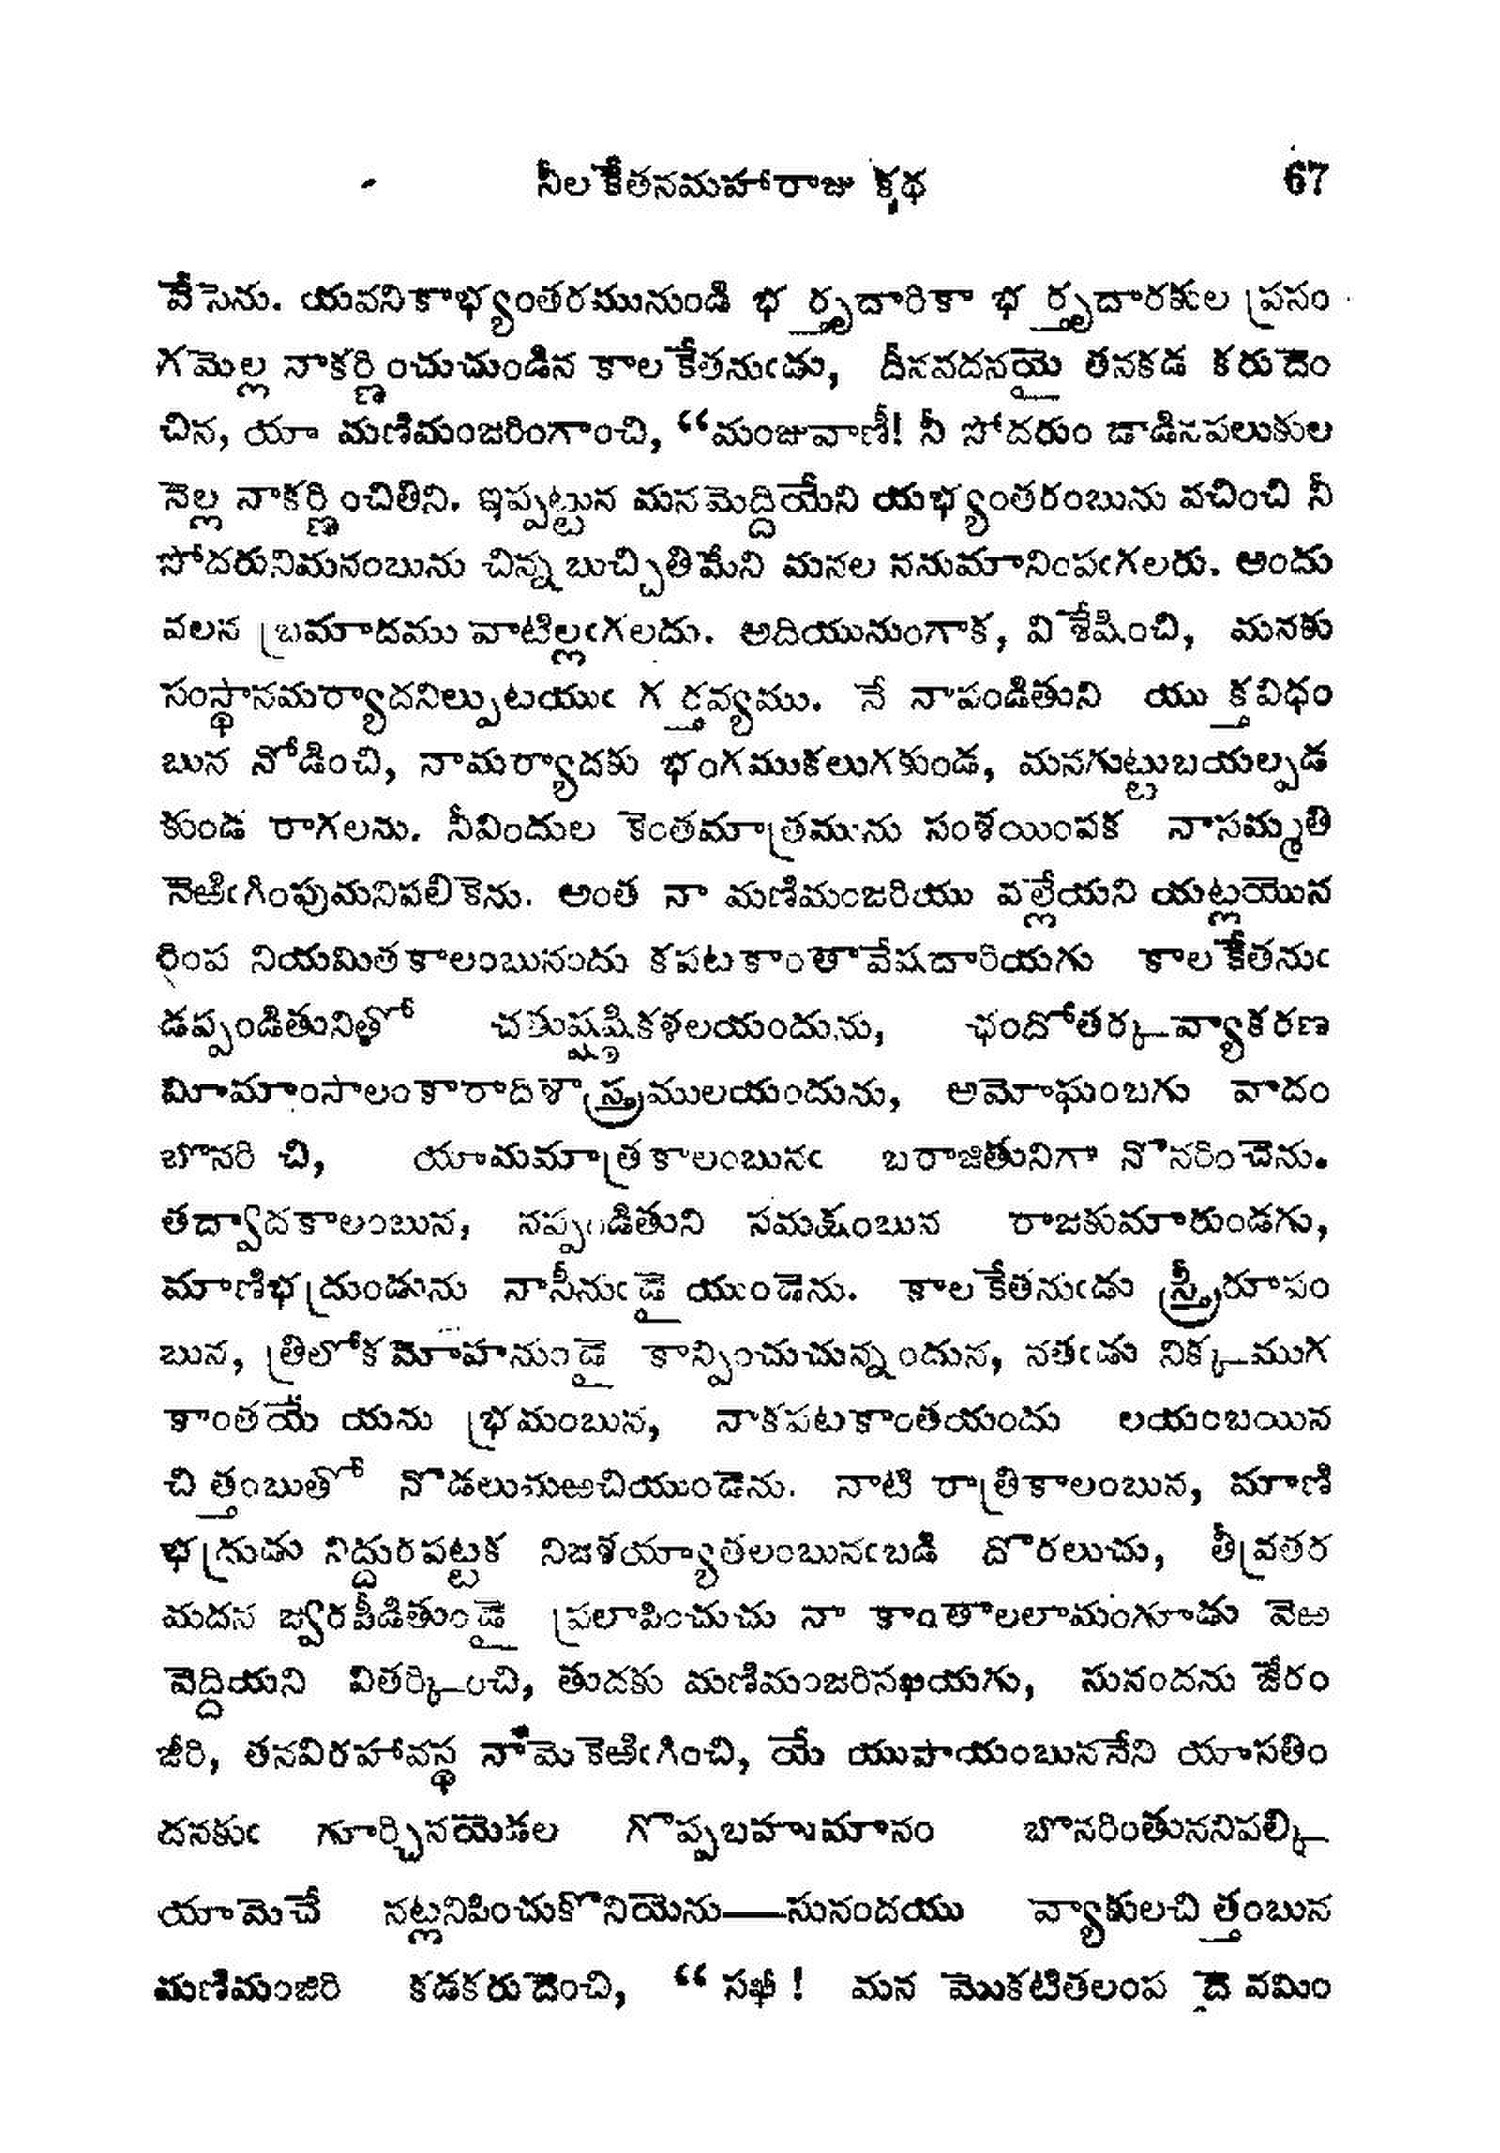వేసెను. యవనికాభ్యంతరమునుండి భర్తృదారికా భర్తృదారకుల ప్రసంగమెల్ల నాకర్ణించుచుండిన కాల కేతనుఁడు, దీనవదనయై తనకడ కరుదెంచిన, యా మణిమంజరింగాంచి, "మంజువాణీ! నీ సోదరుం డాడిన పలుకుల నెల్ల నాకర్ణించితిని. ఇప్పట్టున మన మెద్దియేని యభ్యంతరంబును వచించి నీ సోదరునిమనంబును చిన్న బుచ్చితిమేని మనల ననుమానింపఁగలరు. అందువలన బ్రమాదము వాటిల్లఁగలదు. అదియునుంగాక, విశేషించి, మనకు సంస్థానమర్యాద నిల్పుటయుఁ గర్తవ్యము. నే నాపండితుని యుక్తవిధంబున నోడించి, నామర్యాదకు భంగముకలుగ కుండ, మనగుట్టు బయల్పడ కుండ రాగలను. నీవిందుల కెంతమాత్రమును సంశయింపక నాసమ్మతి నెఱిఁగింపుమనిపలికెను. అంత నా మణిమంజరియు వల్లేయని యట్లయోనరింప నియమిత కాలంబునందు కపట కాంతా వేషదారియగు కాలకేతనుఁ
డప్పండితునితో చతుషష్టి కళలయందును, ఛందోతర్క వ్యాకరణ మీమాంసాలంకారాది శాస్త్రములయందును, అమోఘంబగు వాదం బొనరించి, యామమాత్ర కాలంబునఁ బరాజితునిగా నొనరించెను. తద్వాదకాలంబున, నప్పుండితుని సమక్షంబున రాజకుమారుండగు, మాణిభద్రుండును నాసీనుఁ డై యుండెను. కాల కేతనుఁడు స్త్రీ రూపంబున, త్రిలోక మోహనుండై కాన్పించుచున్నందున, నతఁడు నిక్కముగ కాంతయే యను భ్రమంబున, నాకపట కాంతయందు లయంబయిన
చిత్తంబుతో నొడలు మఱచియుండెను. నాటి రాత్రి కాలంబున, మాణిభద్రుడు నిద్దుర పట్టక నిజశయ్యా తలంబునఁబడి దొరలుచు, తీవ్రతర మదన జ్వరపీడితుండై ప్రలాపించుచు నా కాంతాలలామంగూడు వెఱ వెద్దియని వితర్కించి, తుదకు మణిమంజరిసఖియగు, సునందను జేరం జీరి, తనవిరహావస్థ నామె కెఱిఁగించి, యే యుపాయంబుననేని యానతిం
దనకుఁ గూర్చినయెడల గొప్పబహుమానం బొనరింతుననిపల్కి యామెచే నట్లనిపించుకొనియెను——సునందయు వ్యాకుల చిత్తంబున మణిమంజరి కడకరు దెంచి, "సఖీ ! మన మొకటితలంప దైవమిం